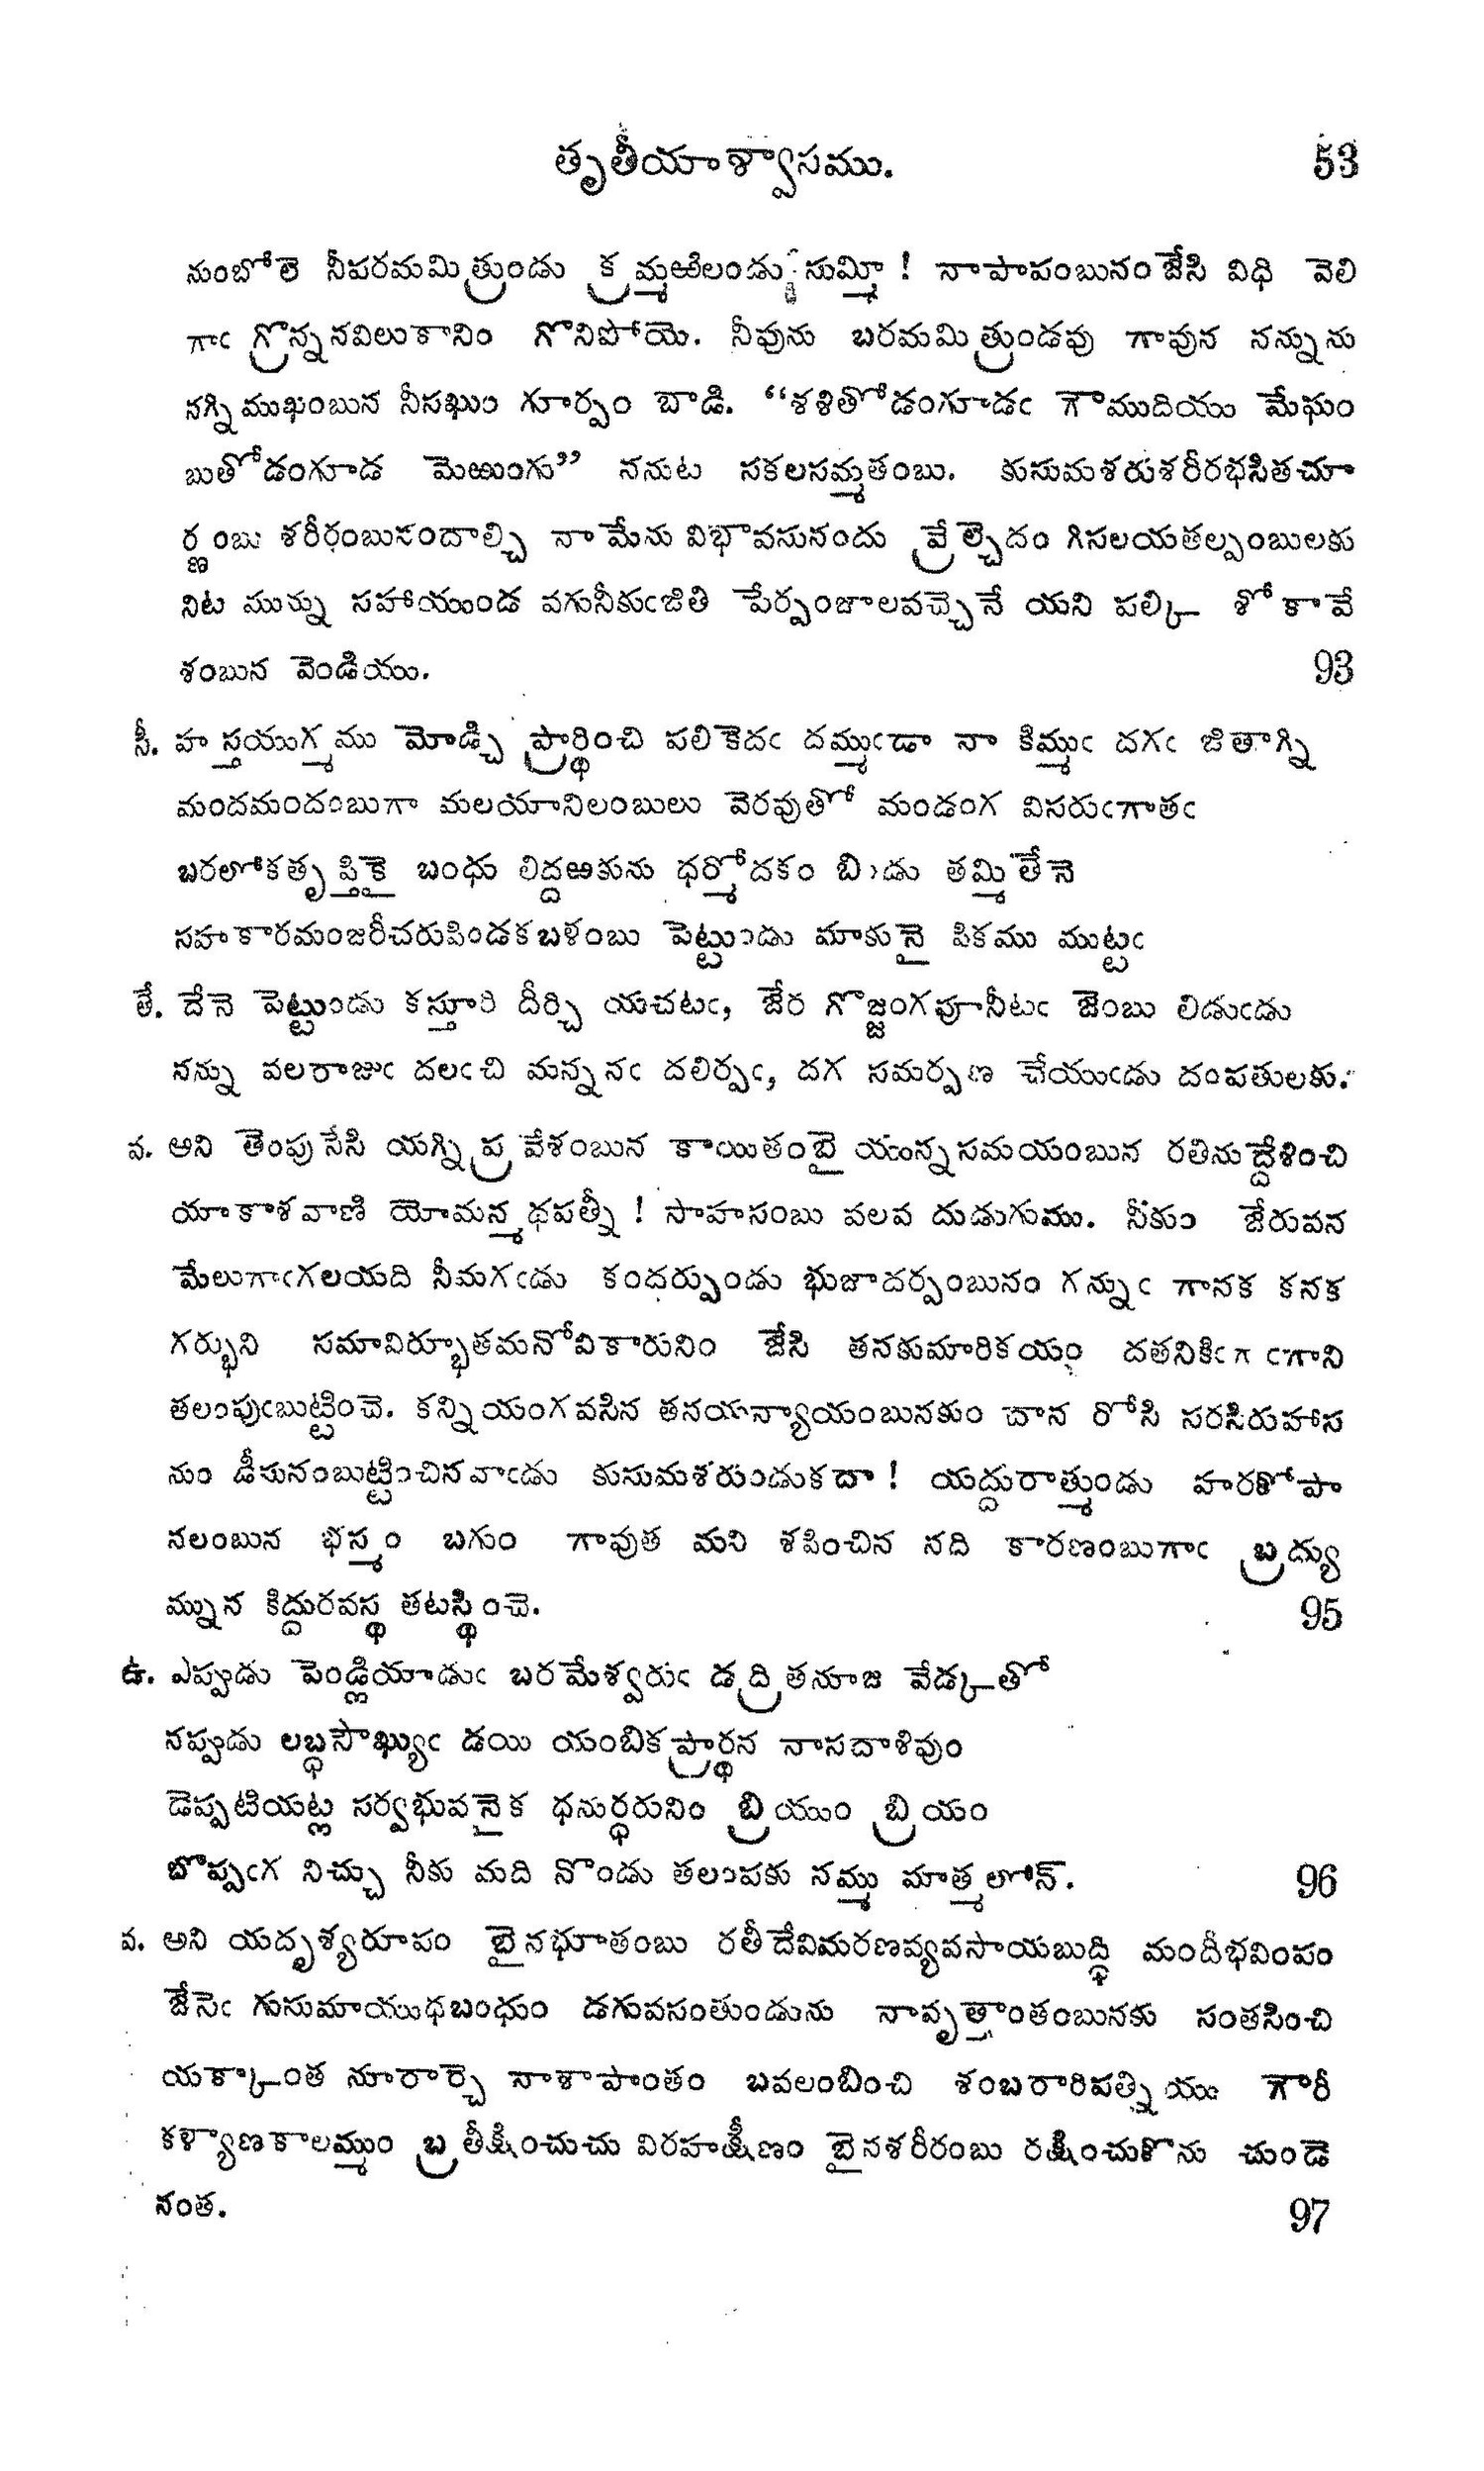నుంబోలె నీపరమమిత్రుండు క్రమ్మఱిలండు సుమ్మీ! నాపాపంబునం జేసి విధి వెలిగాఁ గ్రొన్ననవిలుకానిం గొనిపోయె. నీవును బరమమిత్రుండవు గావున నన్నును నగ్నిముఖంబున నీసఖుం గూర్పం బాడి. “శశితోడంగూడఁ గౌముదియు మేఘంబుతోడంగూడ మెఱుంగు” ననుట సకలసమ్మతంబు. కుసుమశరుశరీరభసితచూర్ణంబు శరీరంబునందాల్చి నామేను విభావసునందు వ్రేల్చెదం గిసలయతల్పంబులకు నిట మున్ను సహాయుండ వగు నీకుఁ జితి పేర్పంజాలవచ్చెనే యని పల్కి శోకావేశంబున వెండియు. 93

సీ. హస్తయుగ్మము మోడ్చి ప్రార్థించి పలికెదఁ దమ్ముఁడా నా కిమ్ముఁ దగఁ జితాగ్ని
మందమందంబుగా మలయానిలంబులు వెరవుతో మండంగ విసరుఁగాతఁ
బరలోకతృప్తికై బంధు లిద్దఱకును ధర్మోదకం బిండు తమ్మితేనె
సహకారమంజరీచరుపిండకబళంబు పెట్టుడు మాకునై పికము ముట్టఁ
తే. దేనె పెట్టుండు కస్తూరి దీర్చి యచటఁ, జేర గొజ్జంగపూనీటఁ జెంబు లిడుఁడు
నన్ను వలరాజుఁ దలఁచి మన్ననఁ దలిర్పఁ, దగ సమర్పణ చేయుఁడు దంపతులకు. 94

వ. అని తెంపు సేసి యగ్నిప్రవేశంబున కాయితంబై యున్నసమయంబున రతి నుద్దేశించి యాకాశవాణి యోమన్మథపత్నీ! సాహసంబు వలవ దుడుగుము. నీకుం జేరువన మేలు గాఁగలయది నీ మగఁడు కందర్పుండు భుజాదర్పంబునం గన్నుం గానక కనకగర్భుని సమావిర్భూతమనోవికారునిం జేసి తనకుమారిక యం దతనికిఁ గాఁగాని తలంపుఁ బుట్టించె. కన్నియం గవసిన తనయన్యాయంబునకుం దాన రోసి సరసీరుహాసనుం డీసునం బుట్టించినవాఁడు కుసుమశరుండుకదా! యద్దురాత్ముండు హరకోపానలంబున భస్మం బగుం గావుత మని శపించిన నది కారణంబుగాఁ బద్యుమ్నున కిద్దురవస్థ తటస్థించె. 95

ఉ. ఎప్పుడు పెండ్లియాడుఁ బరమేశ్వరుఁ డద్రితనూజ వేడ్కతో
నప్పుడు లబ్ధసౌఖ్యుఁ డయి యంబికప్రార్థన నాసదాశివుం
డెప్పటియట్ల సర్వభువనైకధనుర్ధరునిం బ్రియుం బ్రియం
బొప్పఁగ నిచ్చు నీకు మది నొండు తలుపకు నమ్ము మాత్మలోన్. 96

వ. అని యదృశ్యరూపం బైనభూతంబు రతీదేవిమరణవ్యవసాయబుద్ది మందీభవింపం జేసెఁ గుసుమాయుధబంధుం డగువసంతుండును నావృత్తాంతంబునకు సంతసించి యక్కాంత నూరార్చె నాశాపాంతం బవలంబించి శంబరారిపత్నియు గౌరీకళ్యాణకాలమ్ముం బ్రతీక్షించుచు విరహక్షీణం బైనశరీరంబు రక్షించుకొనుచుండె నంత. 97